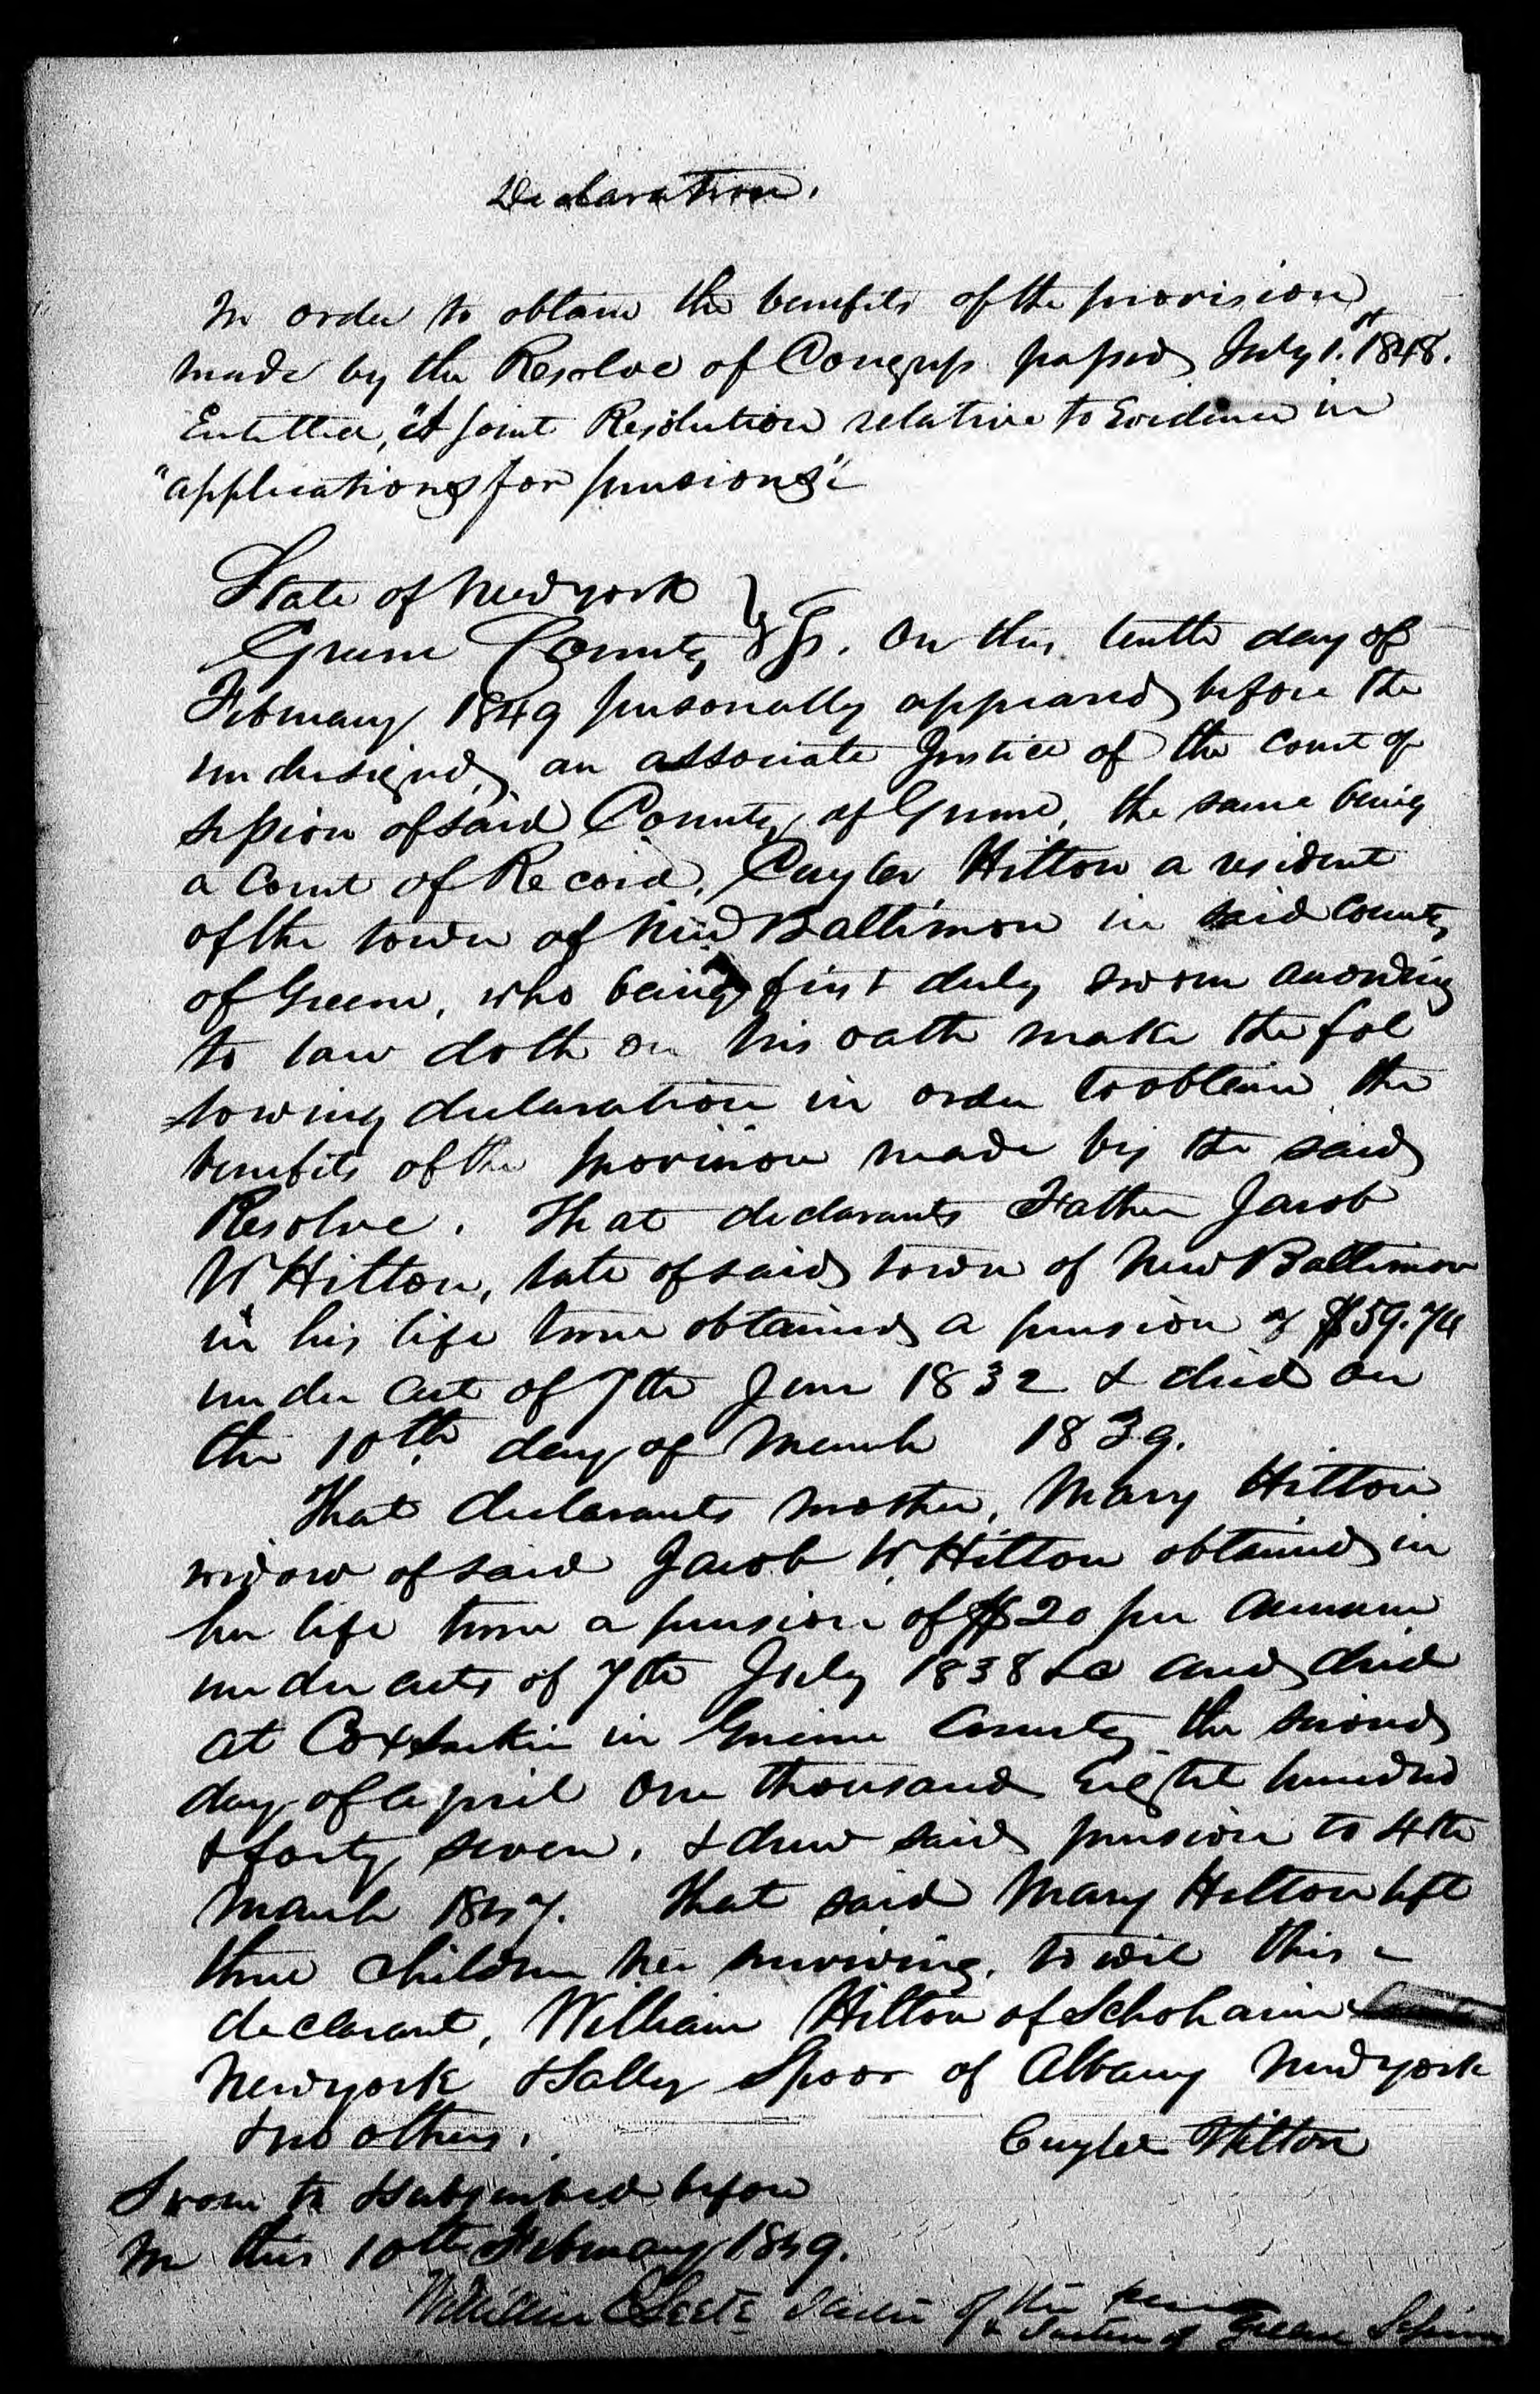Declaration

In order to obtain the benefits of the provision made by the Resolve of Congress papers July 1st, 1848. Exhibitio {illegible}, is joint Resolution relative to Evidence in "applications for pensions."

State of New York
Greene County (illegible), on this tenth day of February, 1849 personally appeared before the undersigned an associate Justice of the court of (illegible) of said County of Greene, the same being a Court of Record, Cuyler Hilton a resident of the town of New Baltimore in said county of Greene, who being first duly sworn (illegible) to law doth on his oath make the following declaration in order to obtain the benefits of the provision made by the said Resolve. That declarants father Jacob W Hilton, late of said town of New Baltimore in his life time obtained a pension of $59.74 under acts of 7th June 1832 & died on the 10th day of March 1839.
That declarants mother, Mary Hilton widow of said Jacob W Hilton  obtained in her life time a pension of $20 per annum under acts of 7th  July 1838 (illegible) and died at Coxsackie in Greene County the second day of April one thousand eight hundred & forty seven, and drew said pension to 4th March 1847. That said Mary Hilton left three children his surviving, to will this declarant, William Hilton of Schoharie New York Hally Spoor of Albany New York two others. 

(Signature of) Cuyler Wilton

(illegible) before me this 10th February 1839.

William E Leete ( illegible)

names: Cuyler Hilton, William Hilton, William Leete, Mary Hilton, Greene Session, Jacob W Hilton, Jacob W Hilton, Cuyler Hilton, Mary Hilton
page: 12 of 48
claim: widow's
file: W. 19788, Jacob W Hilton, New York